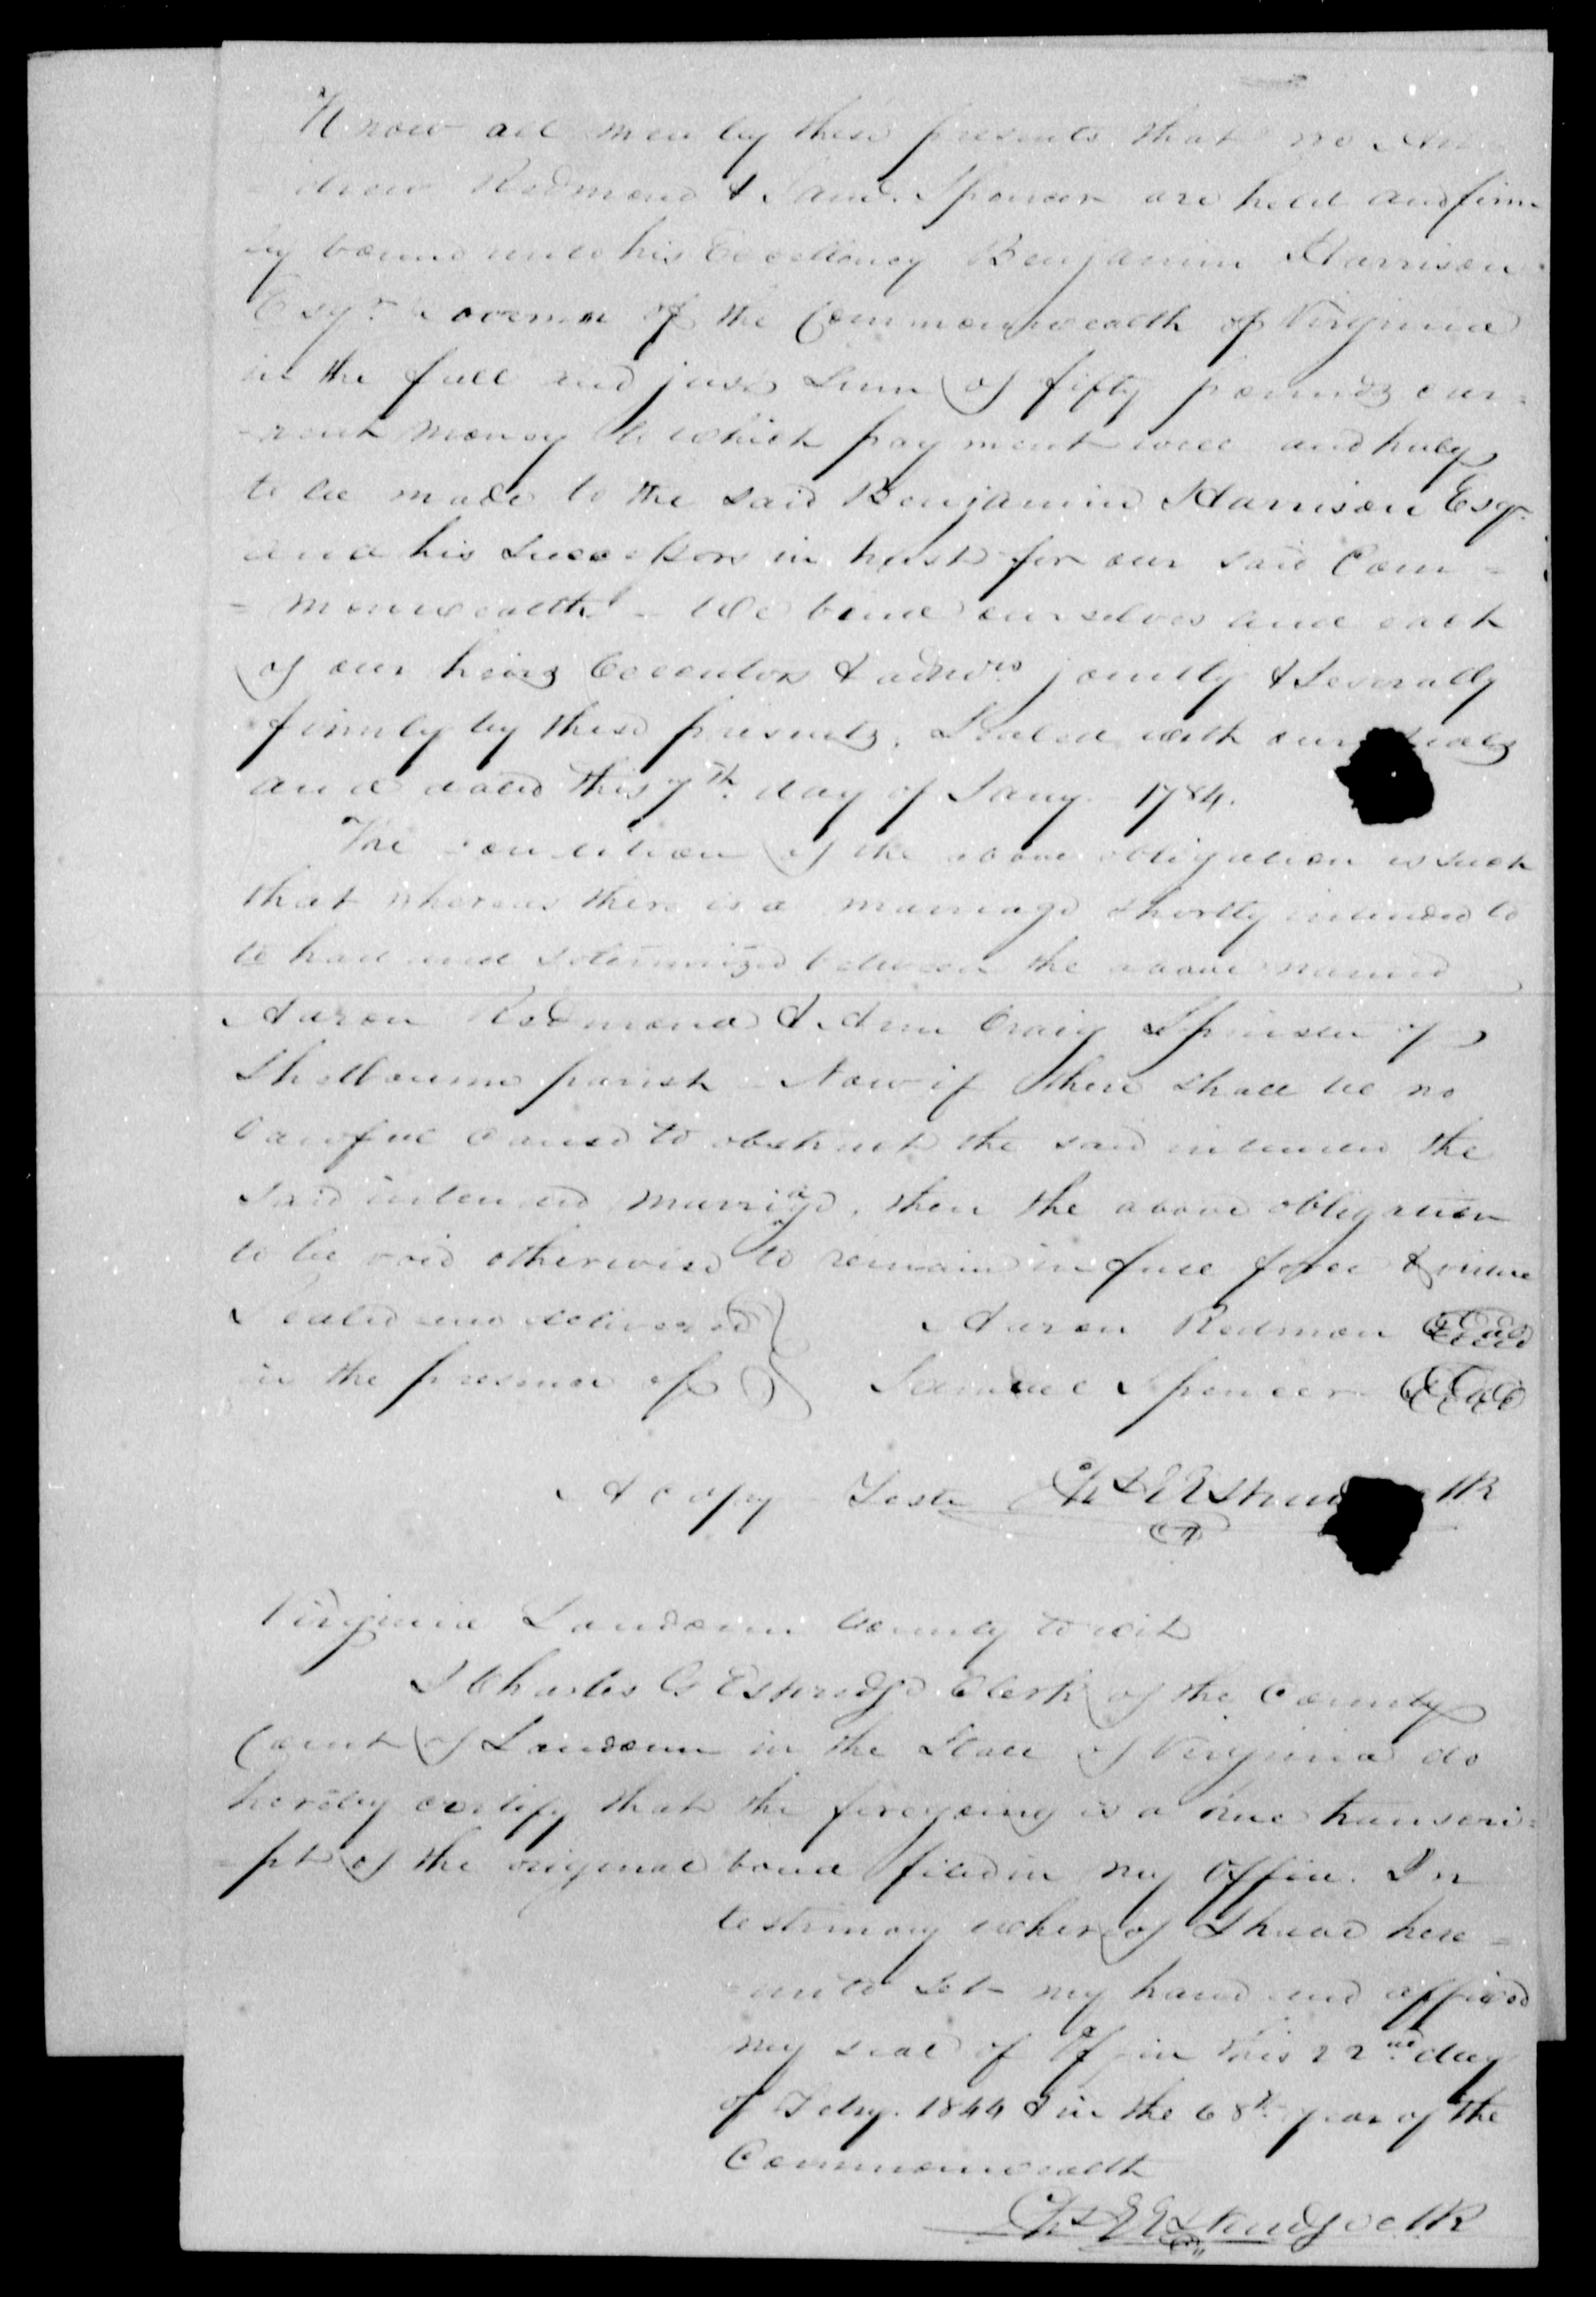Know all men by these presents that we Andrew Redmond & Saml. Spencer are held and firmly bound unto his Excellency Benjamin Harrison Esqr. Governor of the Commonwealth of Virginia in the full and just sum of fifty pounds current money to which payment well and truly to be made to the said Benjamin Harrison Esqr. and his successor in trust for our said Commonwealth.  We bind ourselves and each of our heirs executors and assigns jointly & severally firmly by these presents.  Sealed with our seals and dated this 7th day of Jany. 1784.
The condition of the above obligations is such that wherever there is a marriage shortly intended to be had and solemnized between the above named Aaron Redmond & Ann Craig Spenser of [illegible] parish.  Now if there shall be no lawful cause to obstruct the said intended the said intended marriage, then the above obligation to be void otherwise to remain in full force & [illegible]
Aaron Redman
Samuel Spencer
Sealed and delivered in the presence of

A copy Teste  Charles G. Eskridge

Virginia  Loudoun County to wit
I Charles G. Eskridge Clerk of the County Court of Loudoun in the State of Virginia do hereby certify that the foregoing is a true transcript of the original bond filed in my office.  
In testimony whereof I have hereunto set my hand and affixed my seal of office this 22nd day of Feby 1844 & in the 68th year of the Commonwealth
Chs. G Eskridge Clk.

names: Ann Craig; Andrew Redmond; Charles G Eskridge; Benjamin Harrison; Saml Spencer; Aaron Redmond; Samuel Spencer; Chs G Eskridge; Benjamin Harrison; Aaron Redmon; Chs G Eskridge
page: 40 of 57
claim: widow's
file: W. 9,622, for Aaron Redman, Virginia